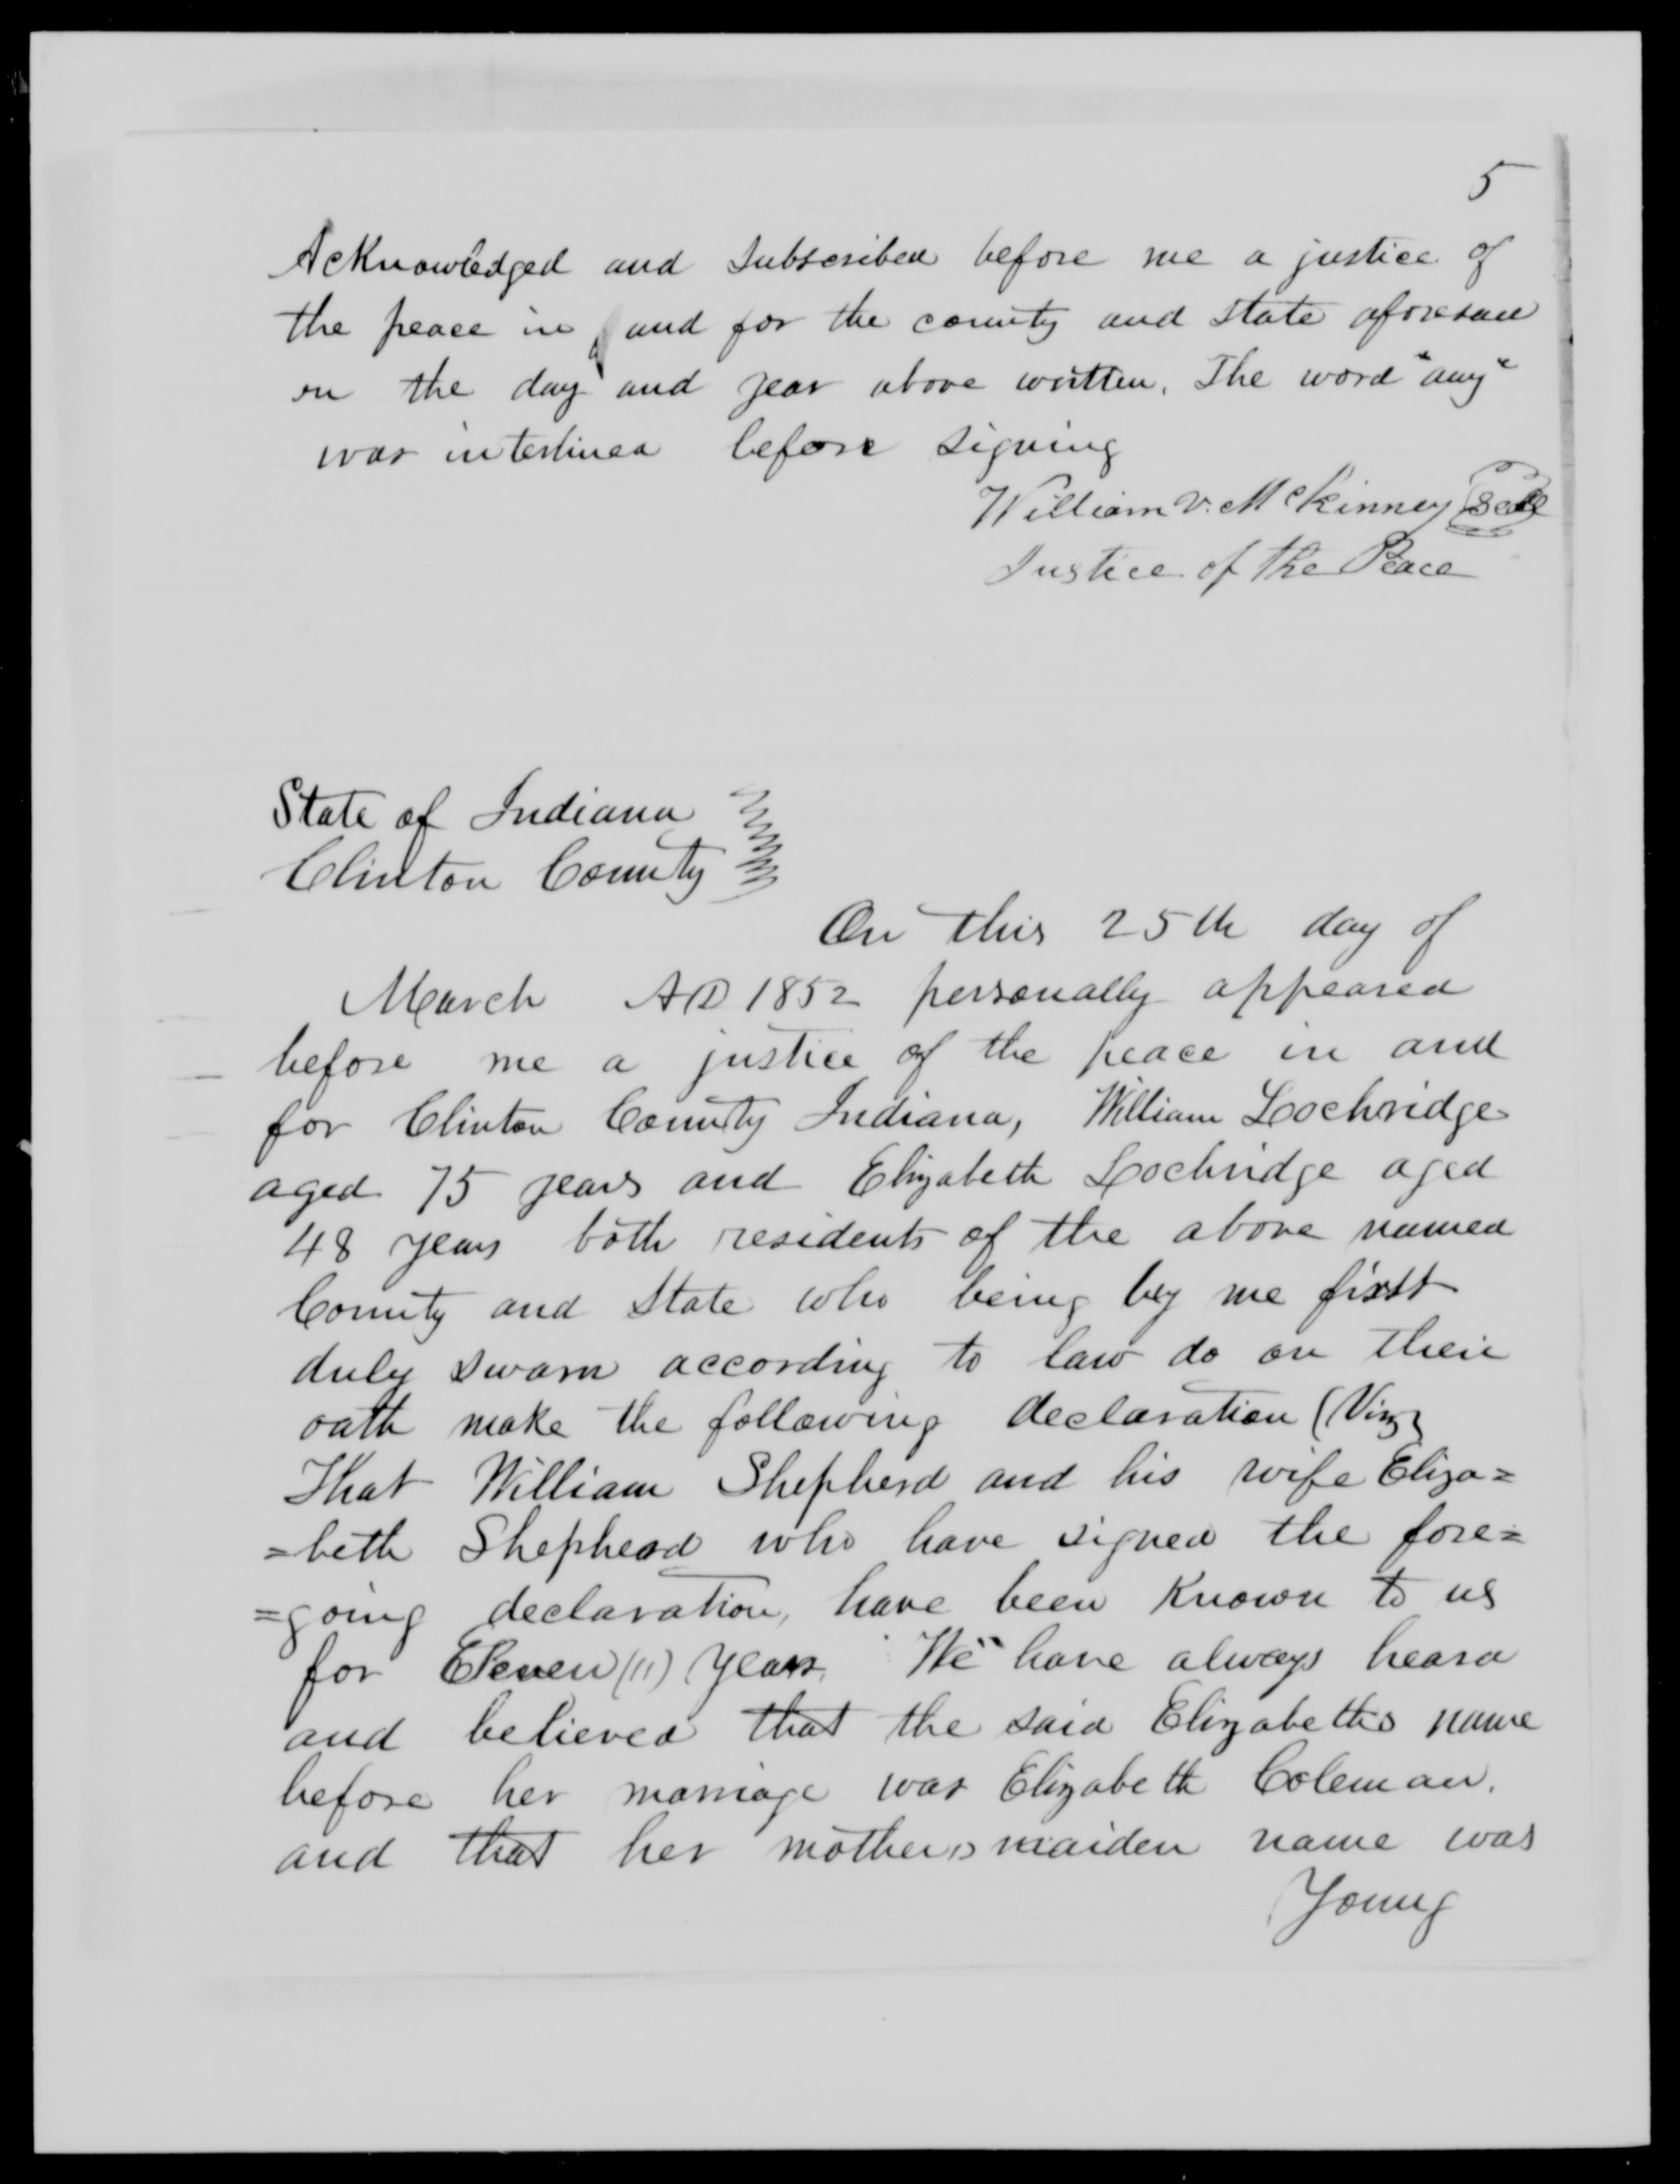5
Acknowledged and subscribed before me a justice of the peace in and for the County and State aforesaid on the day and year above written. The word ‘any’ was interlined before signing.
William V. McKinney {Seal}
Justice of the Peace

State of Indiana Clinton County
On this 25th day of  March
AD 1852 personally appeared
before me a justice of the peace in and
for Clinton County Indiana, William Lockridge
aged 75 years and Elizabeth Lockridge aged
48 years both residents of the above named
County and State who being by me first
duly sworn according to law do on their
oath make the following declaration (Viz
That William Shepherd and his wife Elizabeth
Shepherd who have signed the foregoing
declaration, have been known to us
for eleven (11) years. We have always heard
and believed that the said Elizabeth’s name
before her marriage was Elizabeth Coleman, 
and that her mother's maiden name was
Young.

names: Young, William Shepherd, William V Mc Kinney, William Lockridge, Elizabeth Lockridge, Elizabeth Coleman, Elizabeth Shepherd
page: 85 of 123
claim: rejected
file: R. 11,949, Matthias Young, Md.